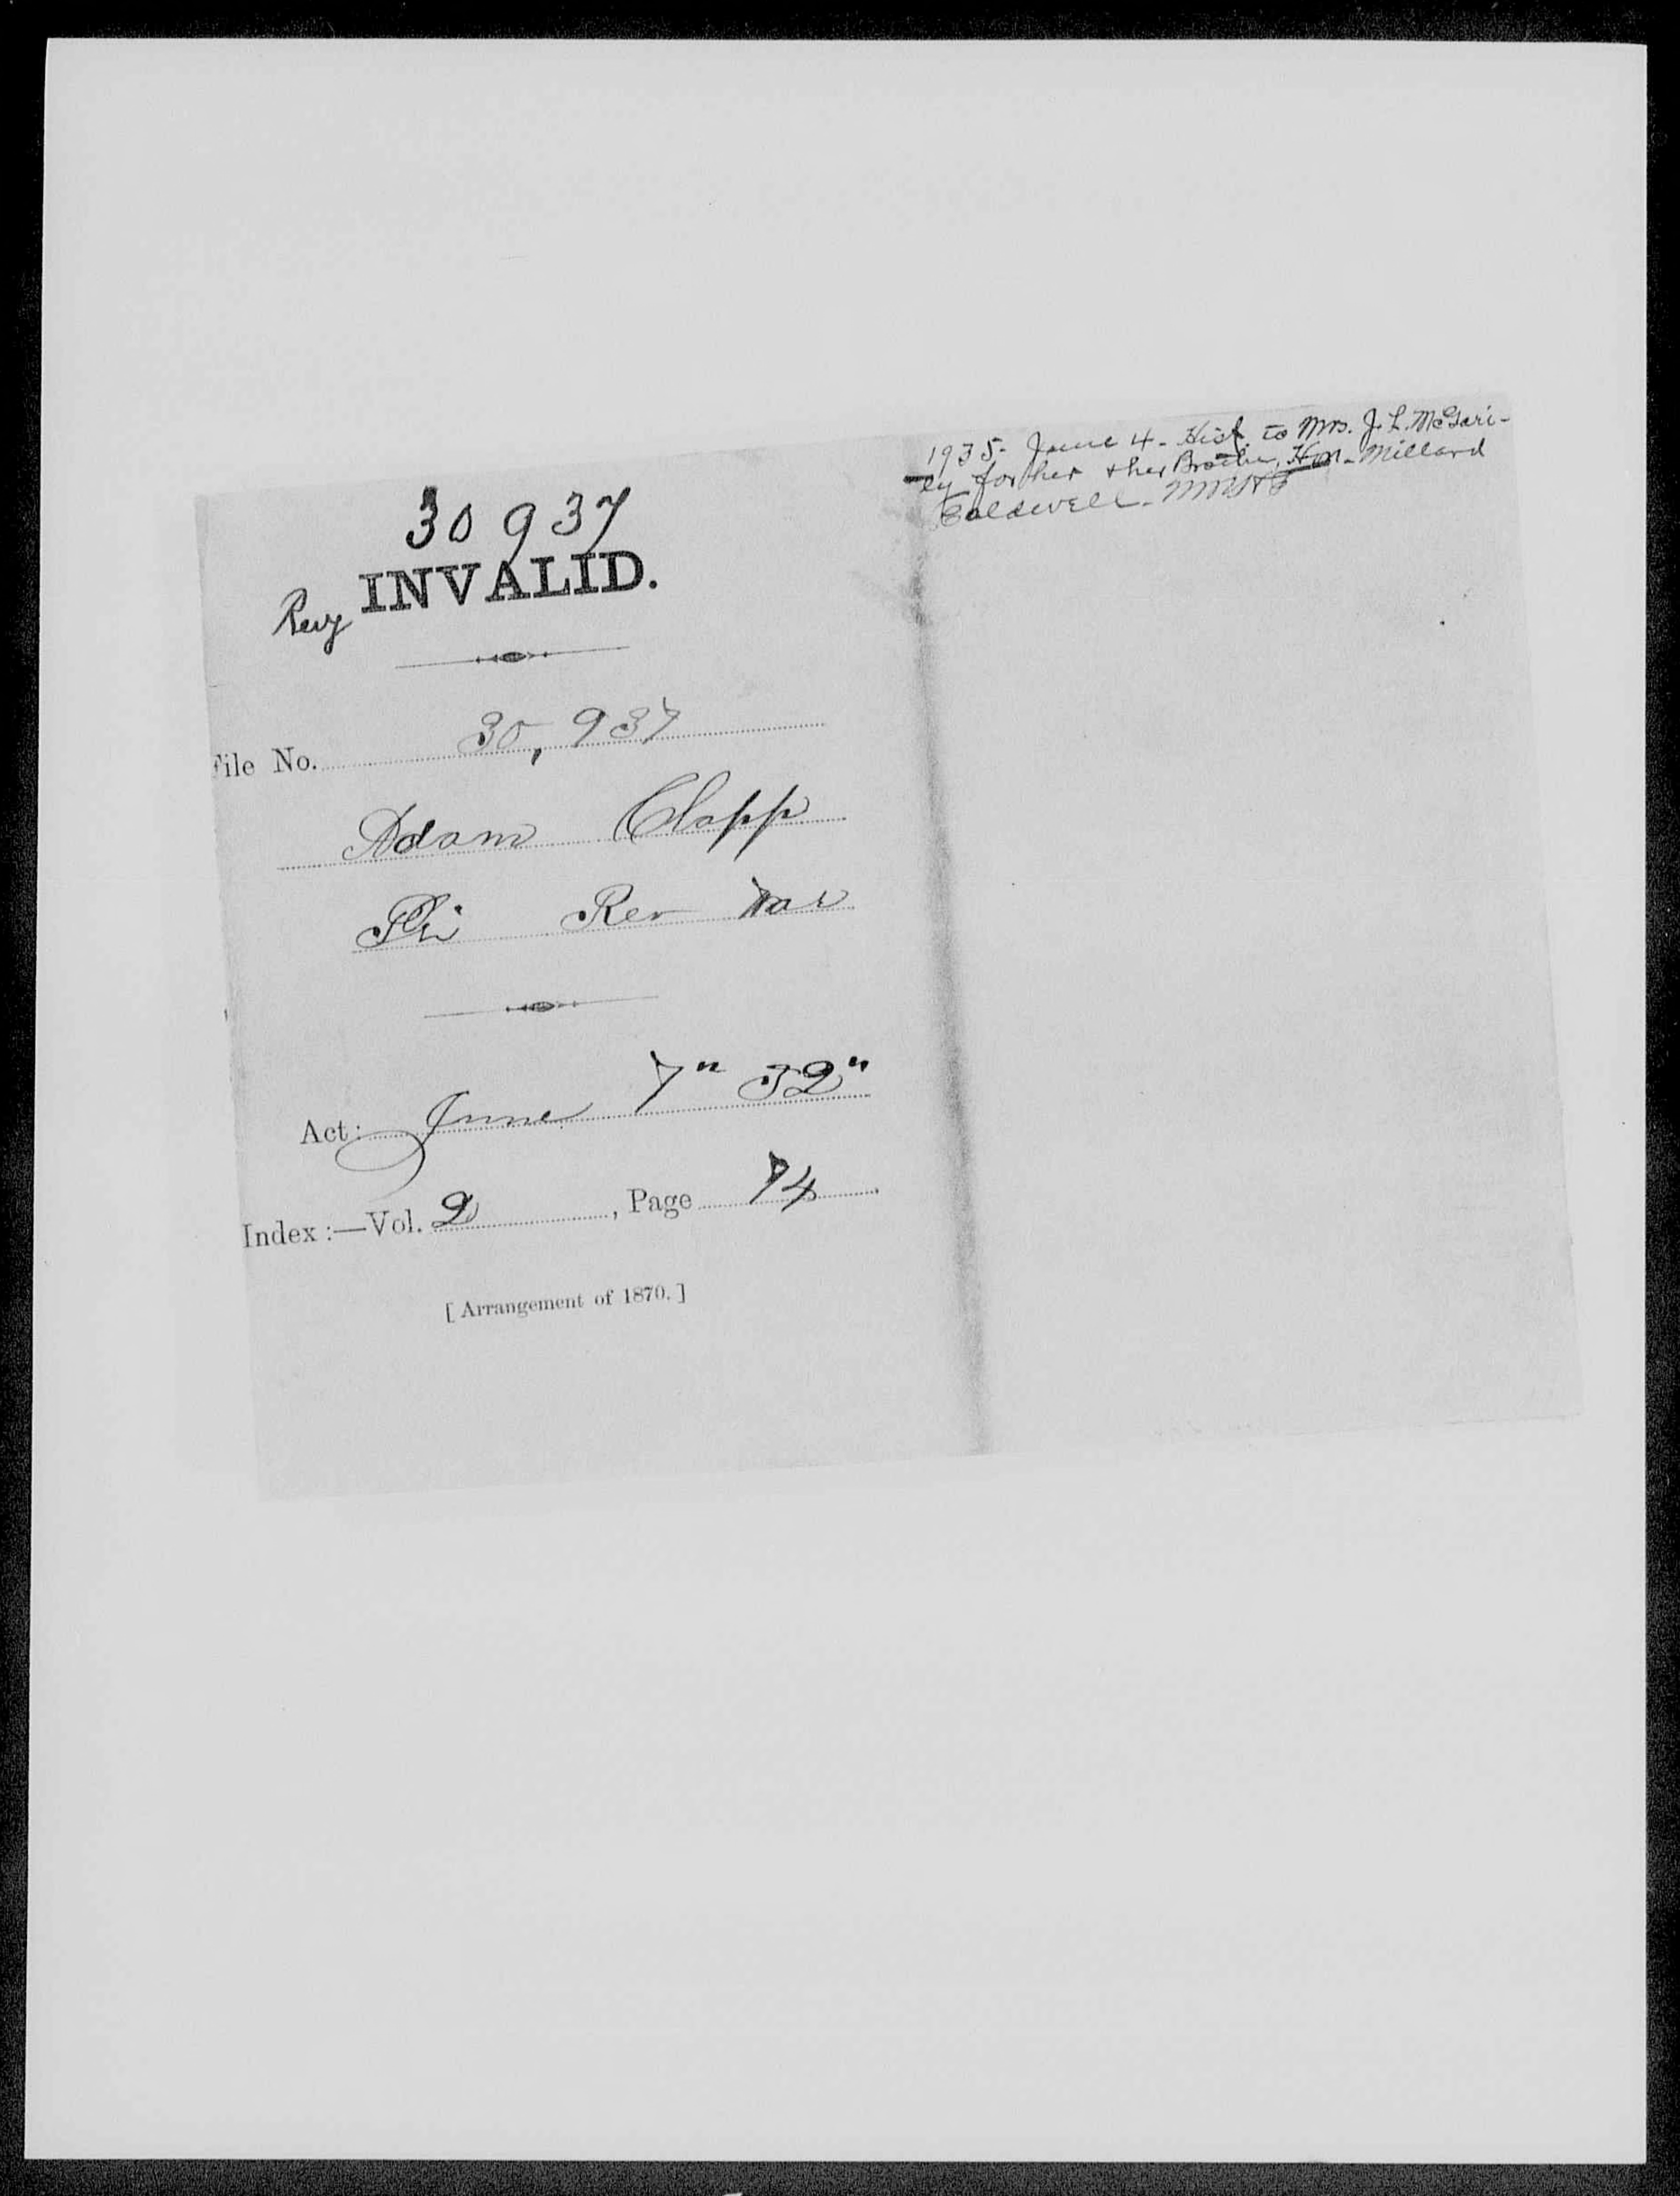30937
Revy INVALID.
File No. 30,937
Adam Clapp
Pri Rev War

Act: June 7th 32
Index:--Vol. 2, Page 74
[Arrangement of 1870.]

1935. June 4 - Hist to Mrs. J.L. McGari-
ty for her Brother, Hon. Millard
Caldwell.  MMSTG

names: Adam Clapp, J L Mc Garity, Millard Caldwell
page: 23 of 23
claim: survivor's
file: S. 30,937, Adam Clapp, N.C.